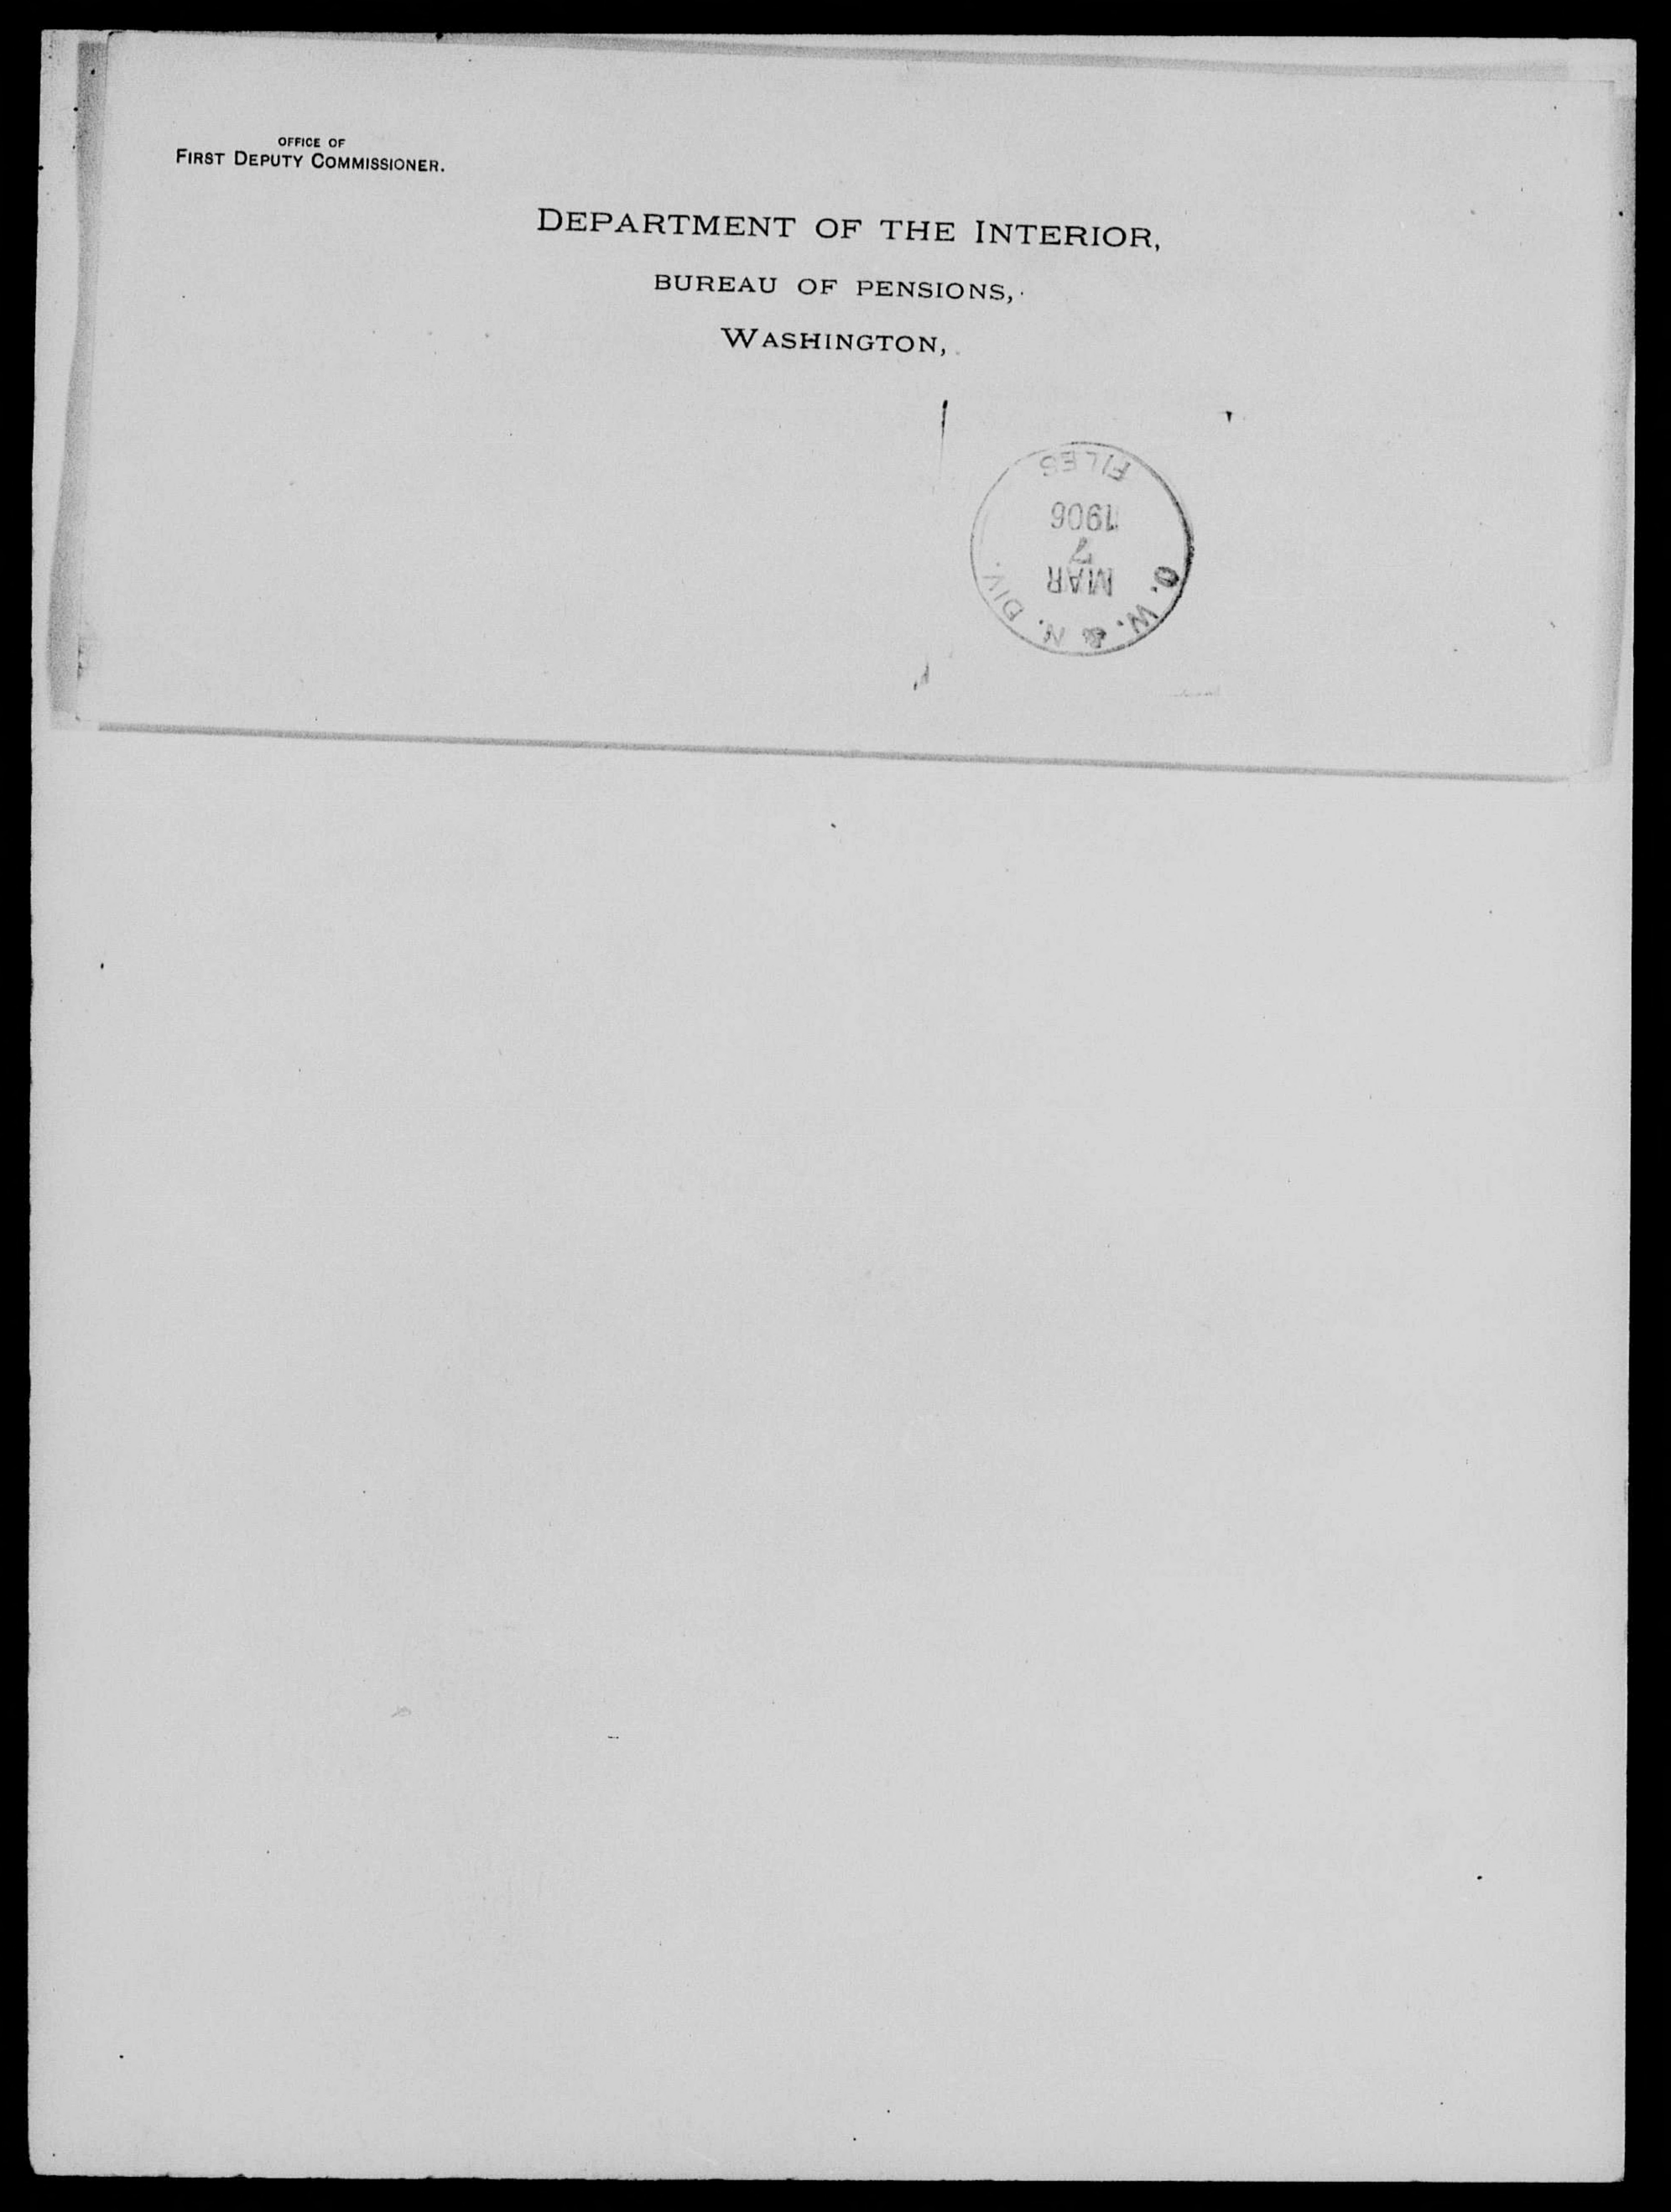OFFICE OF FIRST DEPUTY COMMISSIONER.

DEPARTMENT OF THE INTERIOR.
BUREAU OF PENSIONS.
WASHINGTON,

MAR 7 19061 FILES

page: 17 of 22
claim: survivor's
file: S. 38821, Jonathan Heath, Continental N.H.